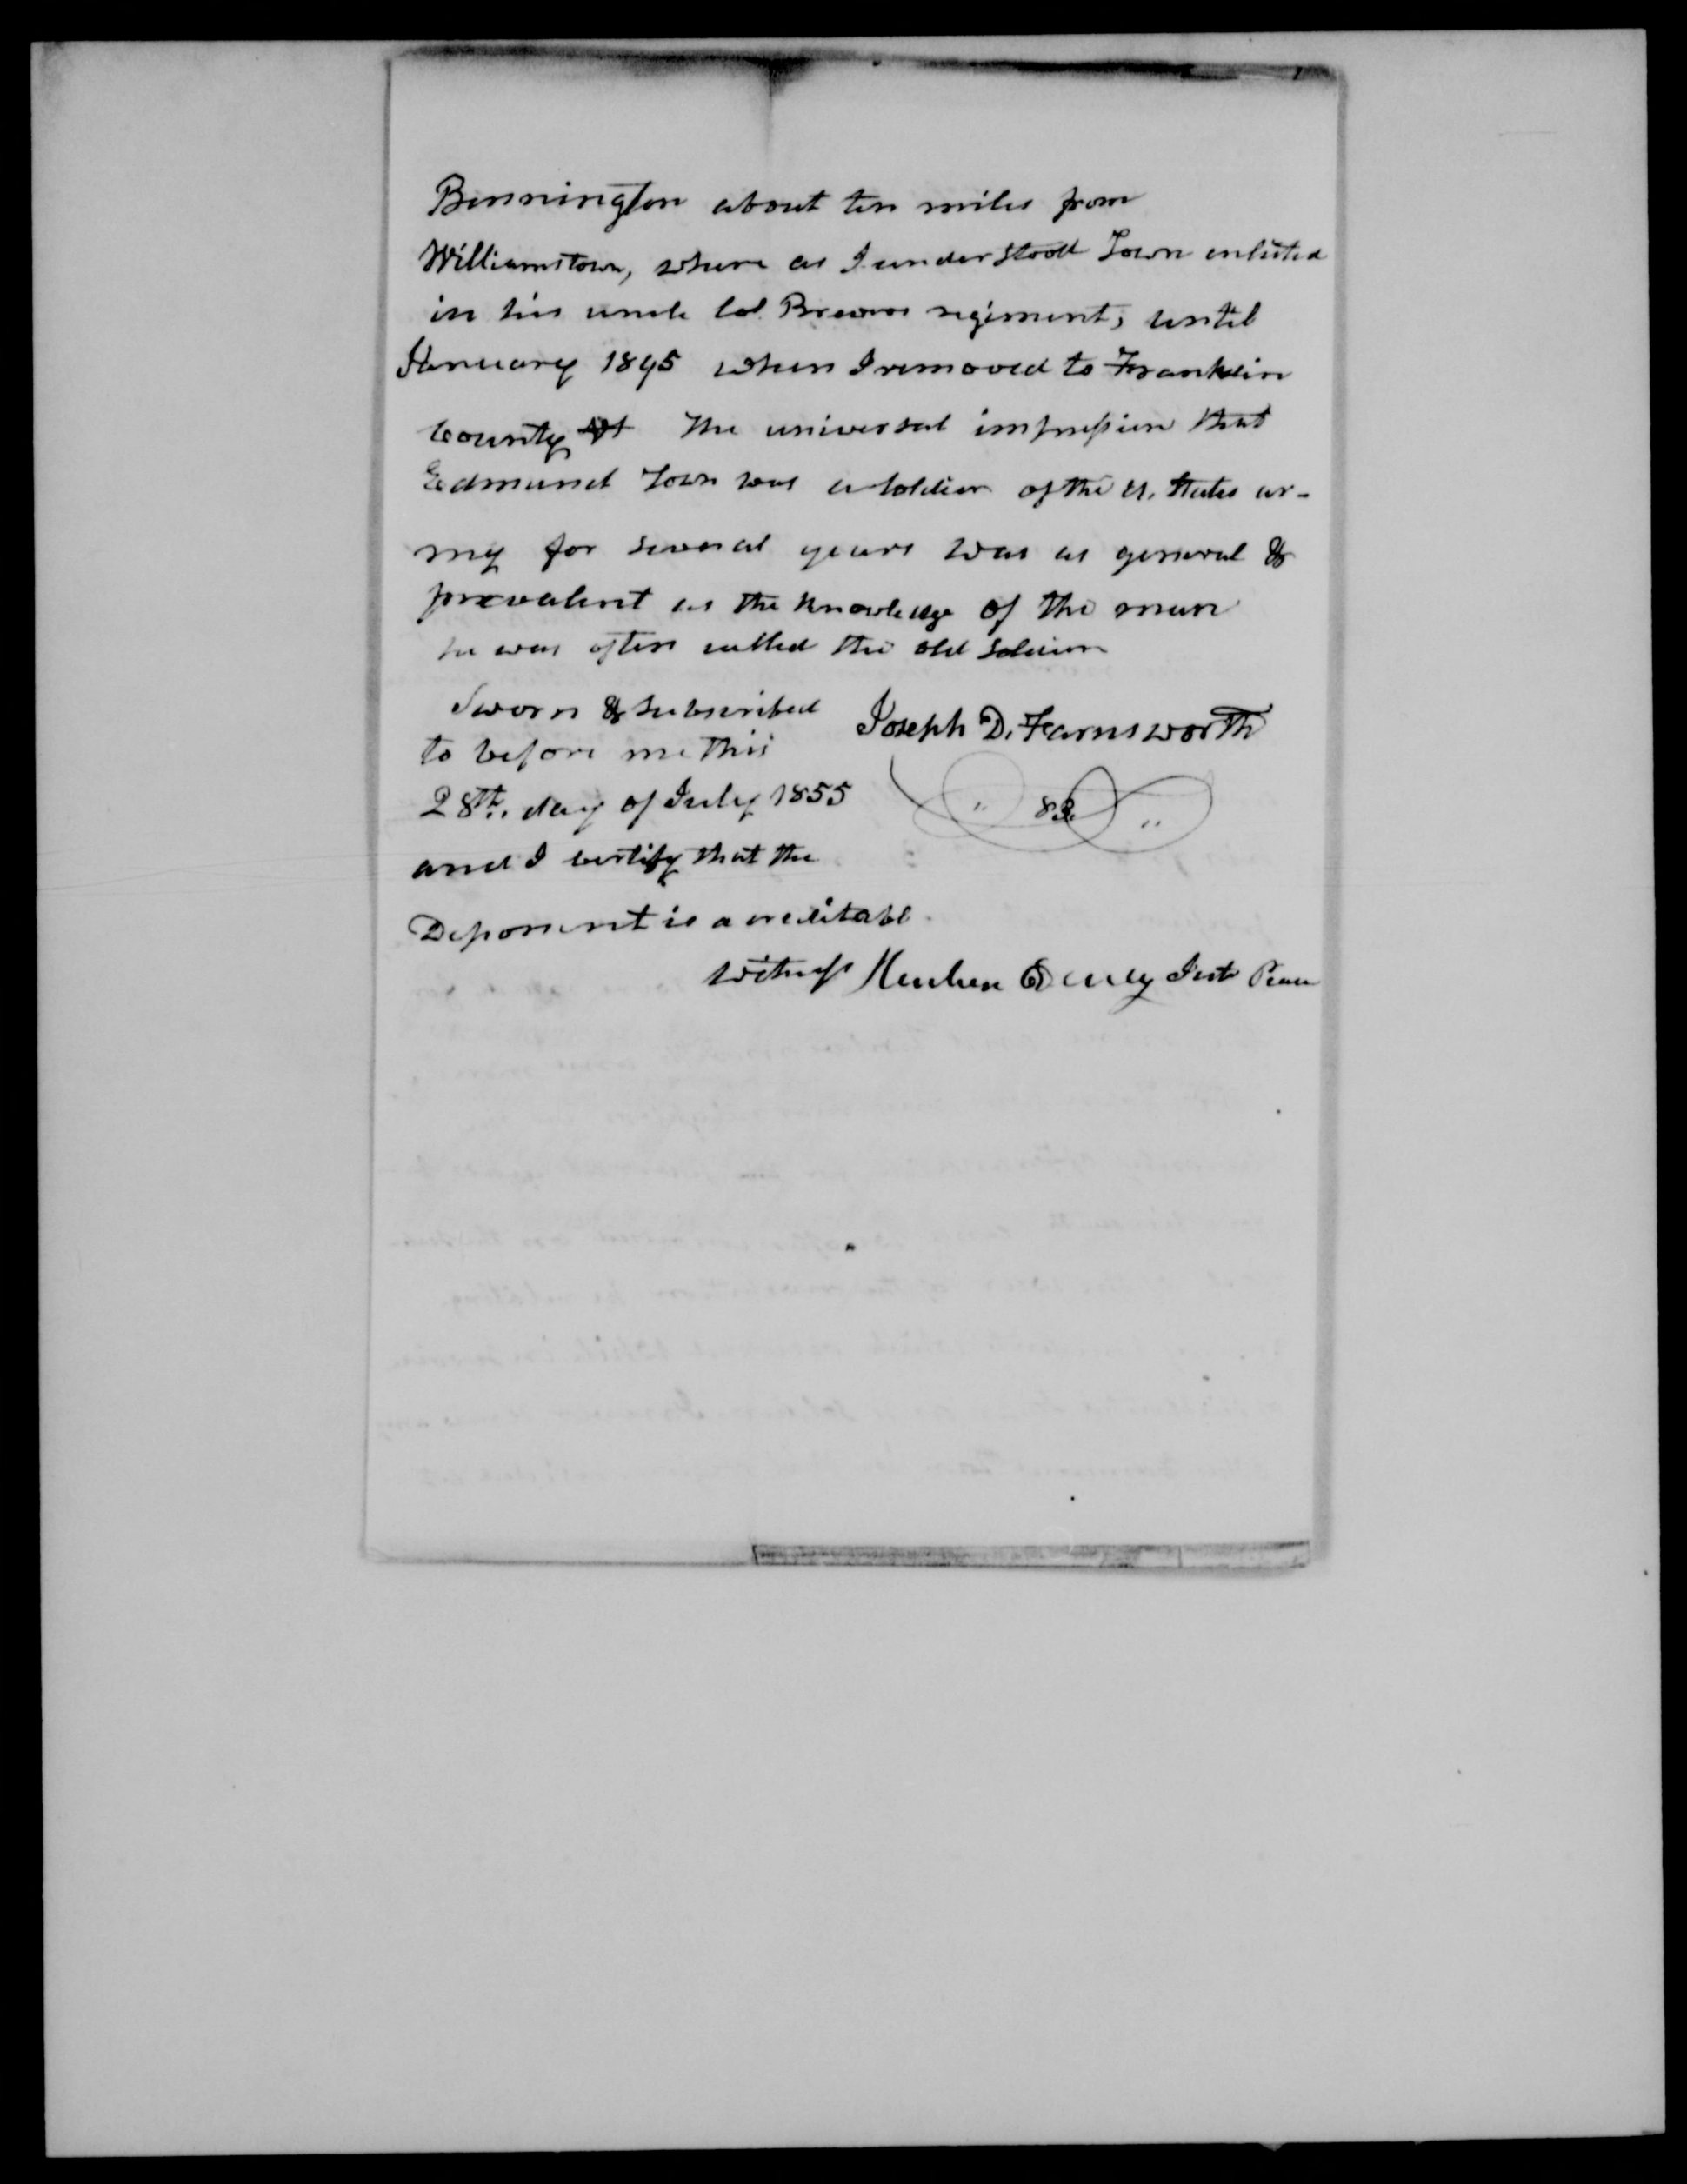Bennington about ten miles from Williamstown, where as I understood Town enlisted in his uncle Col. Brewer's regiment, until January 1845 when I removed to Franklin County. The universal impression that Edmund Town was a soldier of the U. States army for several years was general & prevalent as the knowledge of the man, He was often called the old soldier.
Joseph D. Farnsworth
"83"

Sworn & subscribed to before me this 28th day of July 1855 and I certify that the deponent is a increditable witness.
Reuben Dewey Just. Peace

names: Edmund Town, Town, Joseph D Farnsworth, Reuben Dewey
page: 41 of 64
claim: widow's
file: W. 5831, Edmund Town, Mass.